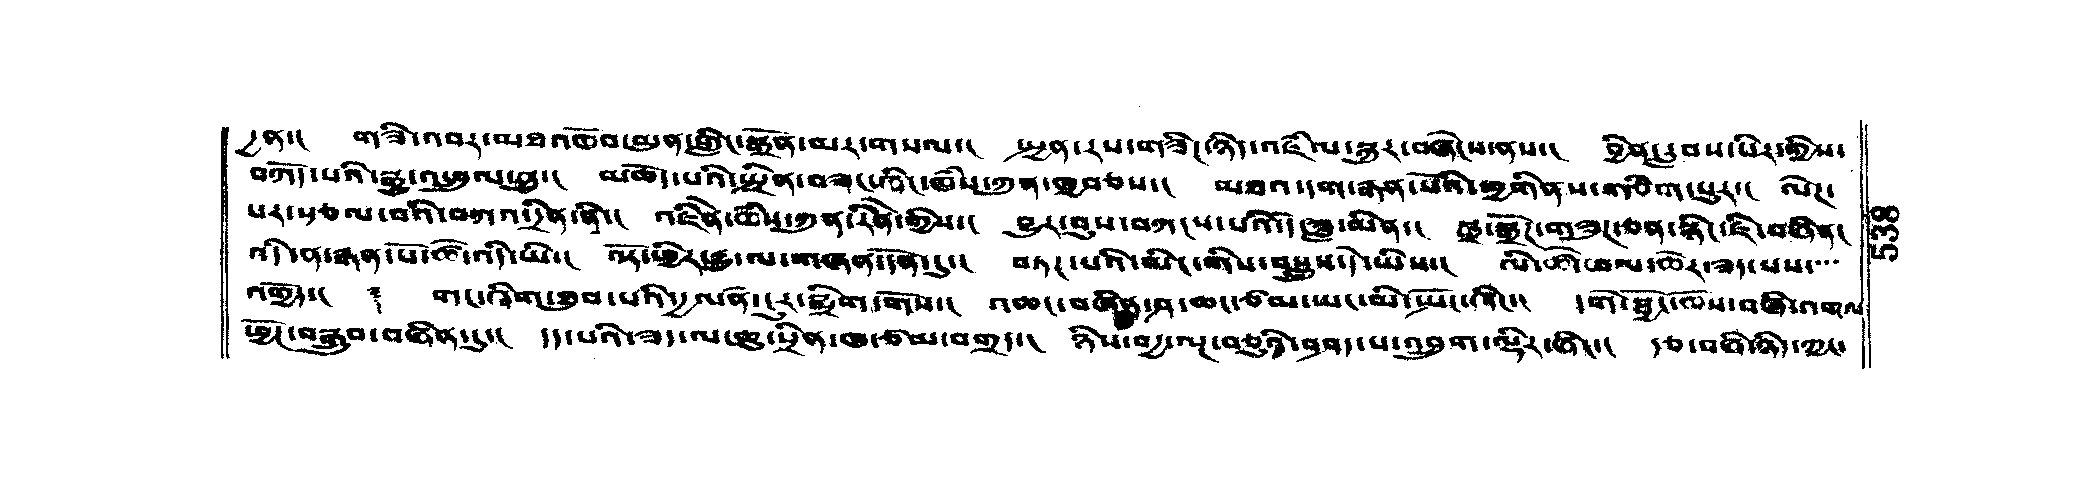རྒྱན། །གཟི་འབར་མཐའ་འཁོབ་མུན་གླིང་སྒྲོན་མེར་གསལ། །སྤྱན་རས་གཟིགས་ཉིད་འཇམ་དཔལ་སྐུར་བཞེངས་ནས། །བྱིན་རླབས་པིར་གྱིས་
བཀོད་པའི་སྒྱུ་འཕྲུལ་སྐུ། །མཆོད་པའི་སྤྲིན་བཟང་ཞིང་ཁམས་ཀུན་ཁྱབ་བཅས། །མཐའ་དག་རྒན་པོའི་ཕྱག་གི་གནས་གཅིག་པུར། །ལེགས་
པར་བསྩལ་བའི་བཀའ་དྲིན་ནི། །འཇིག་རྟེན་ཁམས་ཀུན་རིན་ཆེན་གྱིས། །བྱུར་བུས་བཀངས་པའི་དོ་ཟླ་མིན། །སྒྲ་སྒྲོགས་གཟུགས་ཅན་སྙིང་ཇི་བཞིན། །
འདི་ན་རྒན་པོ་ཚེ་འདི་ཡི། །ལྟོ་ཕྱིར་རྒྱུ་ལ་གཞན་དོན་དུ། །བཏགས་པའི་མིང་གིས་བསླུས་དེ་ཡིས། །མི་ཚེ་ཕལ་ཆེར་ཟད་པས་
འགྱོད། །གང་ཞིག་ཐུབ་པའི་རྒྱལ་མཚན་ངུར་སྨྲིག་གོས། །འཆང་བཞིན་ཤ་ཆང་ཙམ་ཡང་མི་སྤོང་ཞིང་། །དགེ་སྦྱོང་ཆོས་བཞིའི་འགལ་
ཕྱོགས་བསྒྲུབ་བཞིན་དུ། །དད་པའི་ཟས་ལ་ཆུ་སྲིན་ཁ་ཙམ་བགྲད། །ཉིས་བརྒྱ་ལྔ་བཅུའི་བཤད་པ་འབྲུག་ལྡིར་ཞིང་། །རྩ་བཞི་ཉིད་ཀྱང་